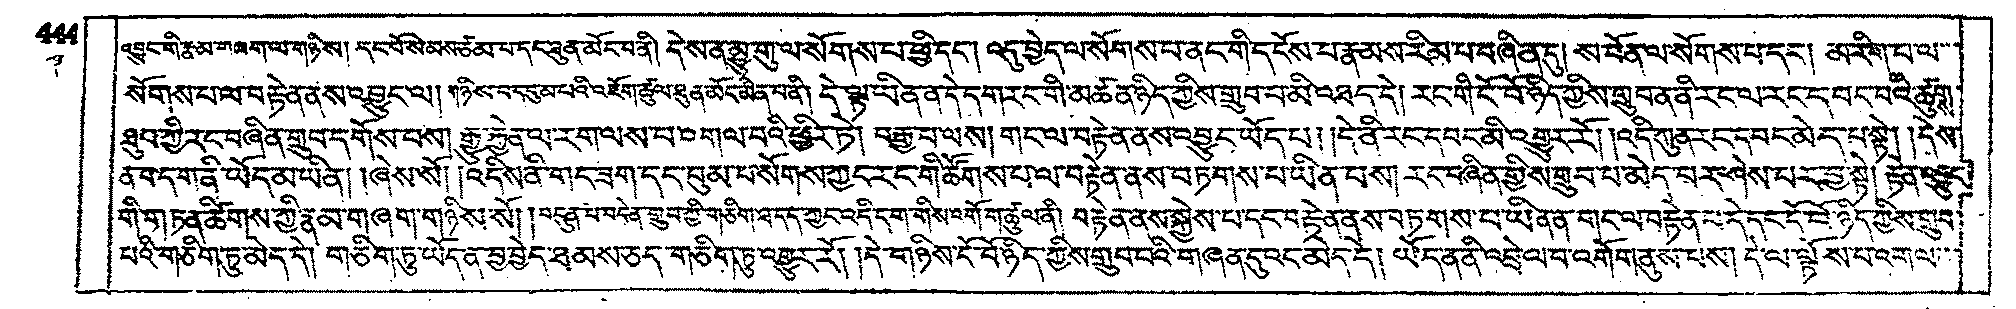འབྱུང་གི་རྣམ་གཞག་ལ་གཉིས། དང་པོ་སེམས་ཙམ་པ་དང་ཐུན་མོང་པ་ནི། དེས་ན་མྱུ་གུ་ལ་སོགས་པ་ཕྱི་དང་། འདུ་བྱེད་ལ་སོགས་པ་ནང་གི་དངོས་པ་རྣམས་རིམ་པ་བཞིན་དུ། ས་བོན་ལ་སོགས་པ་དང་། མ་རིག་པ་ལ་
སོགས་པ་ལ་བརྟེན་ནས་འབྱུང་ལ། གཉིས་པ་དབུ་མ་པའི་འཇོག་ཚུལ་ཐུན་མོང་མིན་པ་ནི།  དེ་ལྟ་ཡིན་ན་དེ་དག་རང་གི་མཚན་ཉིད་ཀྱིས་གྲུབ་པ་མི་འཐད་དེ། རང་གི་ངོ་བོ་ཉིད་ཀྱིས་གྲུབ་ན་ནི་རང་ལ་རང་དབང་བའི་ཚུགས་
ཐུབ་ཀྱི་རང་བཞིན་གྲུབ་དགོས་པས། རྒྱུ་རྐྱེན་ལ་རག་ལས་པ་འགལ་བའི་ཕྱིར་ཏེ། བརྒྱ་པ་ལས། གང་ལ་བརྟེན་ནས་འབྱུང་ཡོད་པ། །དེ་ནི་རང་དབང་མི་འགྱུར་རོ། །འདི་ཀུན་རང་དབང་མེད་པ་སྟེ། །དེས་
ན་བདག་ནི་ཡོད་མ་ཡིན། །ཞེས་སོ། །འདིས་ནི་གང་ཟག་དང་བུམ་པ་སོགས་ཀྱང་རང་གི་ཚོགས་པ་ལ་བརྟེན་ནས་བཏགས་པ་ཡིན་པས། རང་བཞིན་གྱིས་གྲུབ་པ་མེད་པར་ཤེས་པར་བྱ་སྟེ། རྟེན་འབྱུང་
གི་གཏན་ཚིགས་ཀྱི་རྣམ་གཞག་གཉིས་སོ། །བདུན་པ་བདེན་གྲུབ་ཀྱི་གཅིག་ཐ་དད་ཀྱང་འདི་དག་གིས་འགོག་ཚུལ་ནི།  བརྟེན་ནས་སྐྱེས་པ་དང་བརྟེན་ནས་བཏགས་པ་ཡིན་ན་གང་ལ་བརྟེན་པ་དེ་དང་ངོ་བོ་ཉིད་ཀྱིས་གྲུབ་
པའི་གཅིག་ཏུ་མེད་དེ། གཅིག་ཏུ་ཡོད་ན་བྱ་བྱེད་ཐམས་ཅད་གཅིག་ཏུ་འགྱུར་རོ། །དེ་གཉིས་ངོ་བོ་ཉིད་ཀྱིས་གྲུབ་པའི་གཞན་དུའང་མེད་དེ། ཡོད་ན་ནི་འབྲེལ་པ་འགོག་ནུས་པས། དེ་ལ་ལྟོས་པ་འགལ་